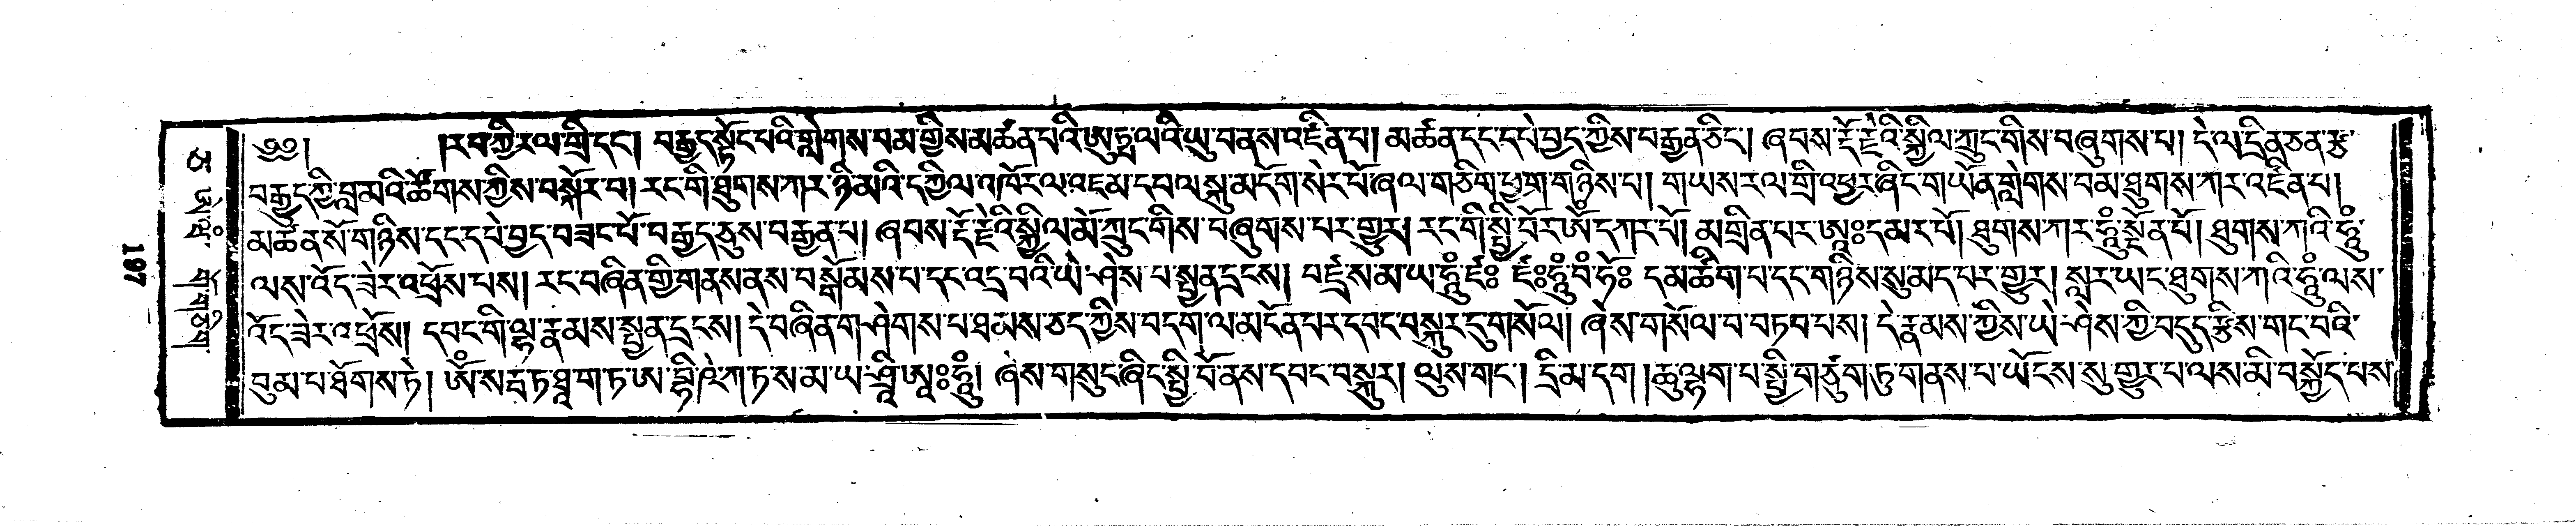༄༅། །རབ་ཀྱི་རལ་གྲི་དང་། བརྒྱད་སྟོང་པའི་གླེགས་བམ་གྱིས་མཚན་པའི་ཨུཏྤལཱི་ཡུ་བ་ནས་འཛིན་པ། མཚན་དང་དཔེ་བྱད་ཀྱིས་བརྒྱན་ཅིང་། ཞབས་རྡོ་རྗེའི་སྐྱིལ་ཀྲུང་གིས་བཞུགས་པ། དེ་ལ་དྲིན་ཅན་རྩ་
བརྒྱུད་ཀྱི་བླ་མའི་ཚོགས་ཀྱིས་བསྐོར་བ། རང་གི་ཐུགས་ཀར་ཉི་མའི་དཀྱིལ་འཁོར་ལ་འཇམ་དཔལ་སྐུ་མདོག་སེར་པོ་ཞལ་གཅིག་ཕྱག་གཉིས་པ། གཡས་རལ་གྲི་འཕྱར་ཞིང་གཡོན་གླེགས་བམ་ཐུགས་ཀར་འཛིན་པ།
མཚན་སོ་གཉིས་དང་དཔེ་བྱད་བཟང་པོ་བརྒྱད་ཅུས་བརྒྱན་པ། ཞབས་རྡོ་རྗེའི་སྐྱིལ་མོ་ཀྲུང་གིས་བཞུགས་པར་གྱུར། རང་གི་སྤྱི་བོར་ཨོཾ་དཀར་པོ། མགྲིན་པར་ཨཱཿ དམར་པོ། ཐུགས་ཀར་ཧཱུཾ་སྔོན་པོ། ཐུགས་ཀའི་ཧཱུཾ་
ལས་འོད་ཟེར་འཕྲོས་པས། རང་བཞིན་གྱི་གནས་ནས་བསྒོམས་པ་དང་འདྲ་བའི་ཡེ་ཤེས་པ་སྤྱན་དྲངས། བཛྲ་ས་མ་ཡ་ཧཱུཾ་ཛཿ ཛཿ ཧཱུཾ་བཾ་ཧོཿ དམ་ཚིག་པ་དང་གཉིས་སུ་མེད་པར་གྱུར། སླར་ཡང་ཐུགས་ཀའི་ཧཱུཾ་ལས་
འོད་ཟེར་འཕྲོས། དབང་གི་ལྷ་རྣམས་སྤྱན་དྲངས། དེ་བཞིན་གཤེགས་པ་ཐམས་ཅད་ཀྱིས་བདག་ལ་མངོན་པར་དབང་བསྐུར་དུ་གསོལ། ཞེས་གསོལ་བ་བཏབ་པས། དེ་རྣམས་ཀྱིས་ཡེ་ཤེས་ཀྱི་བདུད་རྩིས་གང་བའི་
བུམ་པ་ཐོགས་ཏེ། ཨོཾ་སརྦ་ཏ་ཐཱ་ག་ཏ་ཨ་བྷི་ཥེ་ཀ་ཏ་ས་མ་ཡ་ཤྲཱི་ཨཱཿ ཧཱུཾ། ཞེས་གསུང་ཞིང་སྤྱི་བོ་ནས་དབང་བསྐུར། ལུས་གང་། དྲི་མ་དག །ཆུ་ལྷག་པ་སྤྱི་གཙུག་ཏུ་གནས་པ་ཡོངས་སུ་གྱུར་པ་ལས་མི་བསྐྱོད་པས་